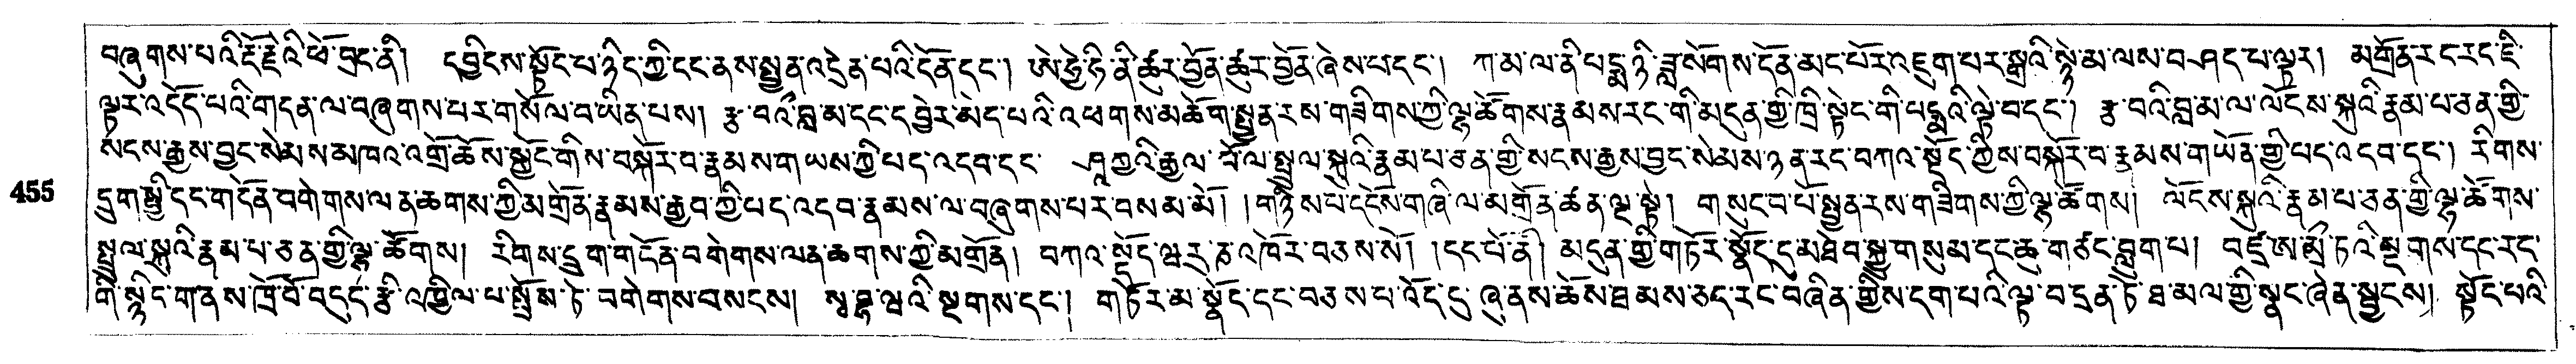བཞུགས་པའི་རྡོ་རྗེའི་ཕོ་བྲང་ནི། དབྱིངས་སྟོང་པ་ཉིད་ཀྱི་དང་ནས་སྤྱན་འདྲེན་པའི་དོན་དང་། ཨེ་ཧྱེ་ཧི་ནི་ཚུར་བྱོན་ཚུར་བྱོན་ཞེས་པ་དང་། ཀ་མ་ལ་ནི་པདམ་ཉི་ཟླ་སོགས་དོན་མང་པོར་འཇུག་པར་སྒྲའི་སྙེ་མ་ལས་བཤད་པ་ལྟར། མགྲོན་རང་རང་ཇི་
ལྟར་འདོད་པའི་གདན་ལ་བཞུགས་པར་གསོལ་བ་ཡིན་པས། རྩ་བའི་བླ་མ་དང་དབྱེར་མེད་པའི་འཕགས་མཆོག་སྤྱན་རས་གཟིགས་ཀྱི་ལྷ་ཚོགས་རྣམས་རང་གི་མདུན་གྱི་ཁྲི་སྟེང་གི་པདམའི་ལྟེ་བ་དང་། རྩ་བའི་བླ་མ་ལ་ལོངས་སྐུའི་རྣམ་པ་ཅན་གྱི་
སངས་རྒྱས་བྱང་སེམས་མཁའ་འགྲོ་ཆོས་སྐྱོང་གིས་བསྐོར་བ་རྣམས་གཡས་ཀྱི་པད་འདབ་དང་། ཤཱཀྱའི་རྒྱལ་པོ་ལ་སྤྲུལ་སྐུའི་རྣམ་པ་ཅན་གྱི་སངས་རྒྱས་བྱང་སེམས་ཉན་རང་བཀའ་སྡོད་ཀྱིས་བསྐོར་བ་རྣམས་གཡོན་གྱི་པད་འདབ་དང་། རིགས་
དྲུག་སྤྱི་དང་གདོན་བགེགས་ལན་ཆགས་ཀྱི་མགྲོན་རྣམས་རྒྱབ་ཀྱི་པད་འདབ་རྣམས་ལ་བཞུགས་པར་བསམ་མོ། །གཉིས་པ་དངོས་གཞི་ལ་མགྲོན་ཚན་ལྔ་སྟེ། གསུང་བ་པོ་སྤྱན་རས་གཟིགས་ཀྱི་ལྷ་ཚོགས། ལོངས་སྐུའི་རྣམ་པ་ཅན་གྱི་ལྷ་ཚོགས་
སྤྲུལ་སྐུའི་རྣམ་པ་ཅན་གྱི་ལྷ་ཚོགས། རིགས་དྲུག་གདོན་བགེགས་ལན་ཆགས་ཀྱི་མགྲོན། བཀའ་སྡོད་ཝ་རུ་ཎ་འཁོར་བཅས་སོ། །དང་པོ་ནི། མདུན་གྱི་གཏོར་སྣོད་དུ་མཐེབ་སྐྱུ་གསུམ་དང་ཆུ་གཙང་བླུག་པ། བཛྲ་ཨ་མྲྀ་ཏའི་སྔགས་དང་རང་
གི་སྙིང་ག་ནས་ཁྲོ་བོ་བདུད་རྩི་འཁྱིལ་པ་སྤྲོས་ཏེ་བགེགས་བསངས། སྭ་བྷ་ཝའི་སྔགས་དང་། གཏོར་མ་སྣོད་དང་བཅས་པ་འོད་དུ་ཞུ་ནས་ཆོས་ཐམས་ཅད་རང་བཞིན་གྱིས་དག་པའི་ལྟ་བ་དྲན་ཏེ་ཐ་མལ་གྱི་སྣང་ཞེན་སྦྱངས། སྟོང་པའི་